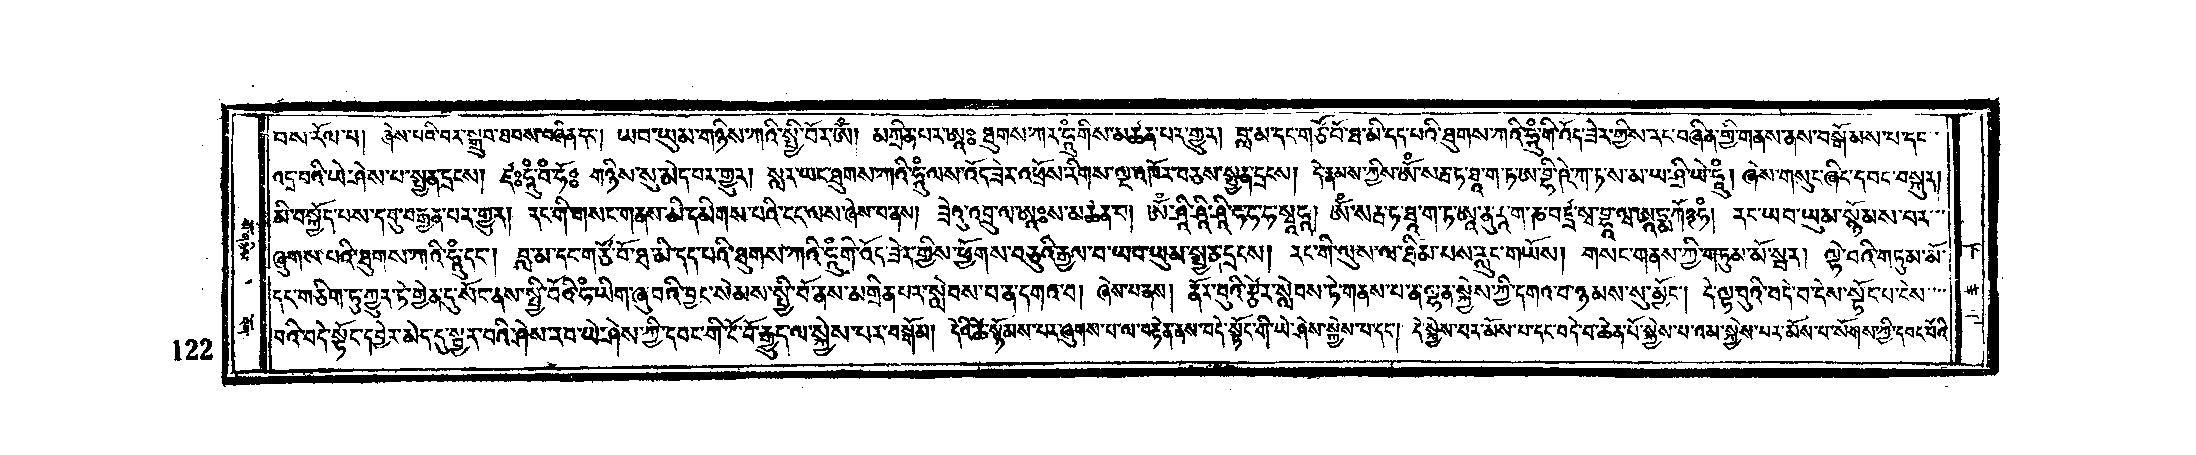བས་རོལ་པ། ཞེས་པའི་བར་སྒྲུབ་ཐབས་བཞིན་དང་། ཡབ་ཡུམ་གཉིས་ཀའི་སྤྱི་བོར་ཨོཾ། མགྲིན་པར་ཨཱཿ ཐུགས་ཀར་ཧཱུཾ་གིས་མཚན་པར་གྱུར། བླ་མ་དང་གཙོ་བོ་ཐ་མི་དད་པའི་ཐུགས་ཀའི་ཧཱུཾ་གི་འོད་ཟེར་གྱིས་རང་བཞིན་གྱི་གནས་ནས་བསྒོམས་པ་དང་
འདྲ་བའི་ཡེ་ཤེས་པ་སྤྱན་དྲངས། ཛཿ ཧཱུཾ་བཾ་ཧོཿ གཉིས་སུ་མེད་པར་གྱུར། སླར་ཡང་ཐུགས་ཀའི་ཧཱུཾ་ལས་འོད་ཟེར་འཕྲོས་རིགས་ལྔ་འཁོར་བཅས་སྤྱན་དྲངས། དེ་རྣམས་ཀྱིས་ཨོཾ་སརྦ་ཏ་ཐཱ་ག་ཏ་ཨ་བྷི་ཥེ་ཀ་ཏ་ས་མ་ཡ་ཤྲི་ཡེ་ཧཱུཾ། ཞེས་གསུང་ཞིང་དབང་བསྐུར།
མི་བསྐྱོད་པས་དབུ་བརྒྱན་པར་གྱུར། རང་གི་གསང་གནས་མི་དམིགས་པའི་ངང་ལས་ཞེས་པ་ནས། ཟེའུ་འབྲུ་ལ་ཨཱཿ ས་མཚན་པ། ཨོཾ་ཤཱི་ཤཱི་ཤཱི་ཧ་ཧ་ཧ་སྭཱཧཱ། ཨོཾ་སརྦ་ཏ་ཐཱ་ག་ཏ་ཨཱ་ནུརཱ་ག་ཎ་བཛྲ་སྭ་བྷཱ་ཝ་ཨཱཏྨ་ཀོཉཧཾ། རང་ཡབ་ཡུམ་སྙོམས་པར་
ཞུགས་པའི་ཐུགས་ཀའི་ཧཱུཾ་དང་། བླ་མ་དང་གཙོ་བོ་ཐ་མི་དད་པའི་ཐུགས་ཀའི་ཧཱུཾ་གི་འོད་ཟེར་གྱིས་ཕྱོགས་བཅུའི་རྒྱལ་བ་ཡབ་ཡུམ་སྤྱན་དྲངས། རང་གི་ལུས་ལ་ཐིམ་པས་རླུང་གཡོས། གསང་གནས་ཀྱི་གཏུམ་མོ་སྦར། ལྟེ་བའི་གཏུམ་མོ་
དང་གཅིག་ཏུ་ཀྱུར་ཏེ་གྱེན་དུ་སོང་ནས་སྤྱི་བོའི་ཧཾ་ཡིག་ཞུ་བའི་བྱང་སེམས་སྤྱི་བོ་ནས་མགྲིན་པར་སླེབས་པ་ན་དགའ་བ། ཞེས་པ་ནས། ནོར་བུའི་རྩེར་སླེབས་ཏེ་གནས་པ་ན་ལྷན་སྐྱེས་ཀྱི་དགའ་བ་ཉམས་སུ་མྱོང་། དེ་ལྟ་བུའི་བདེ་བ་དེས་སྟོང་པ་ངེས་
བའི་བདེ་སྟོང་དབྱེར་མེད་དུ་སྦྱར་བའི་ཤེས་རབ་ཡེ་ཤེས་ཀྱི་དབང་གི་ངོ་བོ་རྒྱུད་ལ་སྐྱེས་པར་བསྒོམ། དེའི་ཚེ་སྙོམས་པར་ཞུགས་པ་ལ་བརྟེན་ནས་བདེ་སྟོང་གི་ཡེ་ཤེས་སྐྱེས་པ་དང་། དེ་སྐྱེས་པར་མོས་པ་དང་བདེ་བ་ཆེན་པོ་སྐྱེས་པ་འམ་སྐྱེས་པར་མོས་པ་སོགས་ཀྱི་དབང་པོའི་